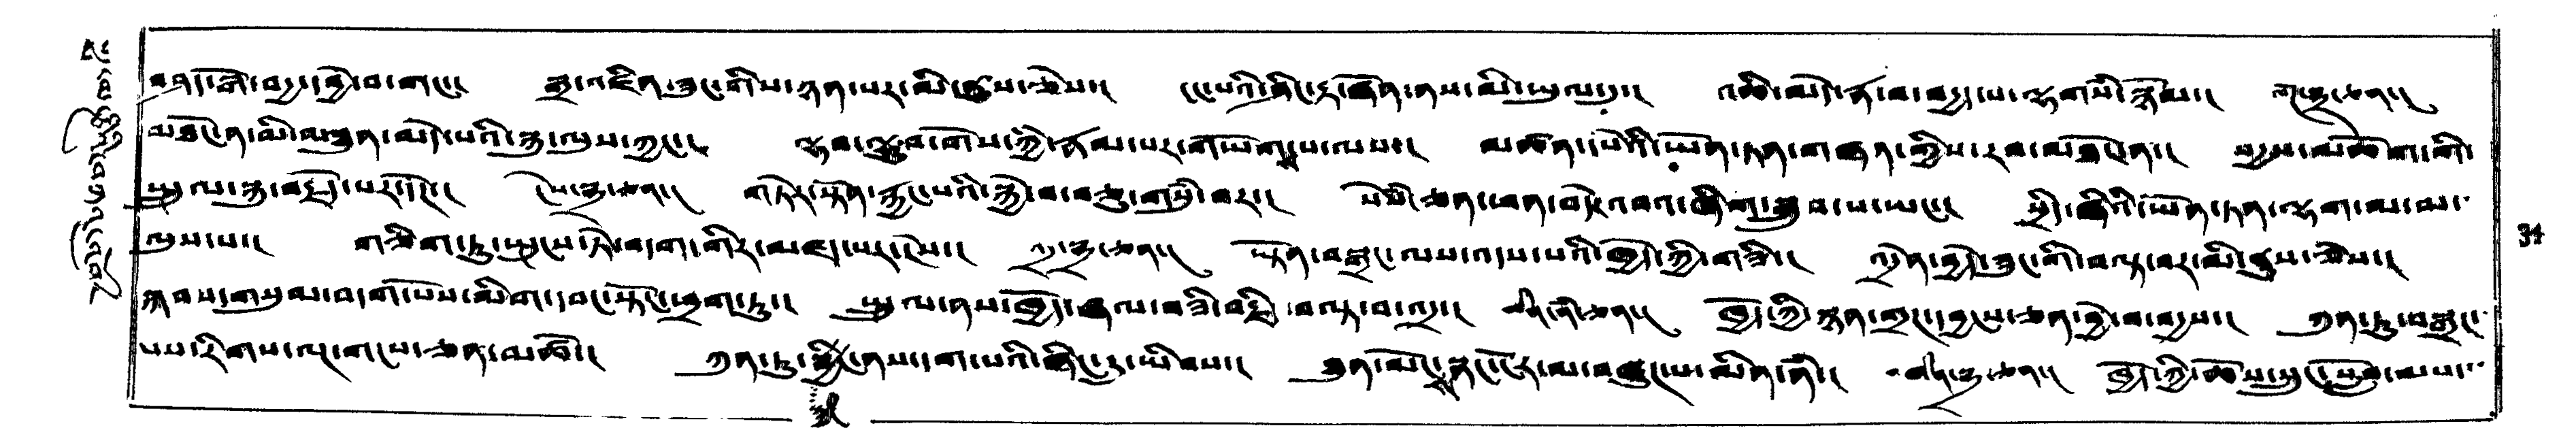བཤད་སྒོ་བརྒྱ་དབྱེ་བ་གང་། །སྒྲ་འཛིན་ཟུང་གིས་ཉན་པར་མི་ནུས་ཅེས། །ངང་པའི་ཤིང་རྟ་ཞོན་ནས་མི་ཡུལ་དུ། །འཆི་མེད་རྣ་བ་བརྒྱད་པ་ལྷགས་སམ་སྙམ། ། ལེགས་སྒྲ་ཅན། 
མཐོང་ན་མི་མཐུན་མེད་པའི་སྐུ་ལུས་ཀྱང་། །ལྷབ་ལྷུབ་གོས་ཀྱི་རྣམ་པར་གཡོགས་པ་ལས། །མཚན་དཔེའི་ཡོན་ཏན་གཞན་གྱིས་རབ་མཐོང་ན། །སངས་རྒྱས་མཆོག་གི་
སྤྲུལ་སྐུ་བརྗོད་པར་དོགས། ། ངེས་སྒྲ་ཅན། གཏེར་སྟོན་རྐྱང་པའི་སྐྱེ་བ་བཅུ་གསུམ་བར། །སེམས་ཅན་ཕན་བདེ་འབའ་ཞིག་སྒྲུབ་པ་ཡང་། །སྲིད་ཞིའི་ཡོན་ཏན་ལྷག་མ་མ་
ལུས་པ། །གཅིག་ཏུ་སྤུངས་ཏེ་བདག་གིར་མཛད་པར་ངེས། ། འདྲ་སྒྲ་ཅན། ཡོན་ཏན་བགྲང་ལས་འདས་པའི་ཁྱོད་ཀྱི་གཟི། །འདྲེན་བྱེད་ཟུང་གི་བལྟ་བར་མི་ནུས་ཞེས། །
སྐབས་གསུམ་བདག་པོས་མིག་དབང་སྟོང་ཕྲག་ཏུ། །སྤྲུལ་ནས་ཁྱོད་ཞལ་གཟི་བརྗིད་བལྟ་བ་འདྲ། །མིན་ནམ་ཅན། ཁྱོད་ཀྱི་སྙན་གྲགས་དབྱངས་ཅན་བྱེ་བ་བརྒྱས། །ཀུན་ཏུ་བསྒྲགས་
པས་རིགས་ལྔ་གངས་ཅན་མཚོ། །ཀུན་ཏུ་སྐྱེང་ས་ནས་དག་པའི་ཞིང་དུ་ཡིབས། །ཐུན་མོང་སྣང་ངོར་མ་བཞུགས་པ་མིན་ནམ། ། བཞིན་སྒྲ་ཅན། ཁྱོད་ཀྱི་ཆོས་སྲུང་སློབ་མས་